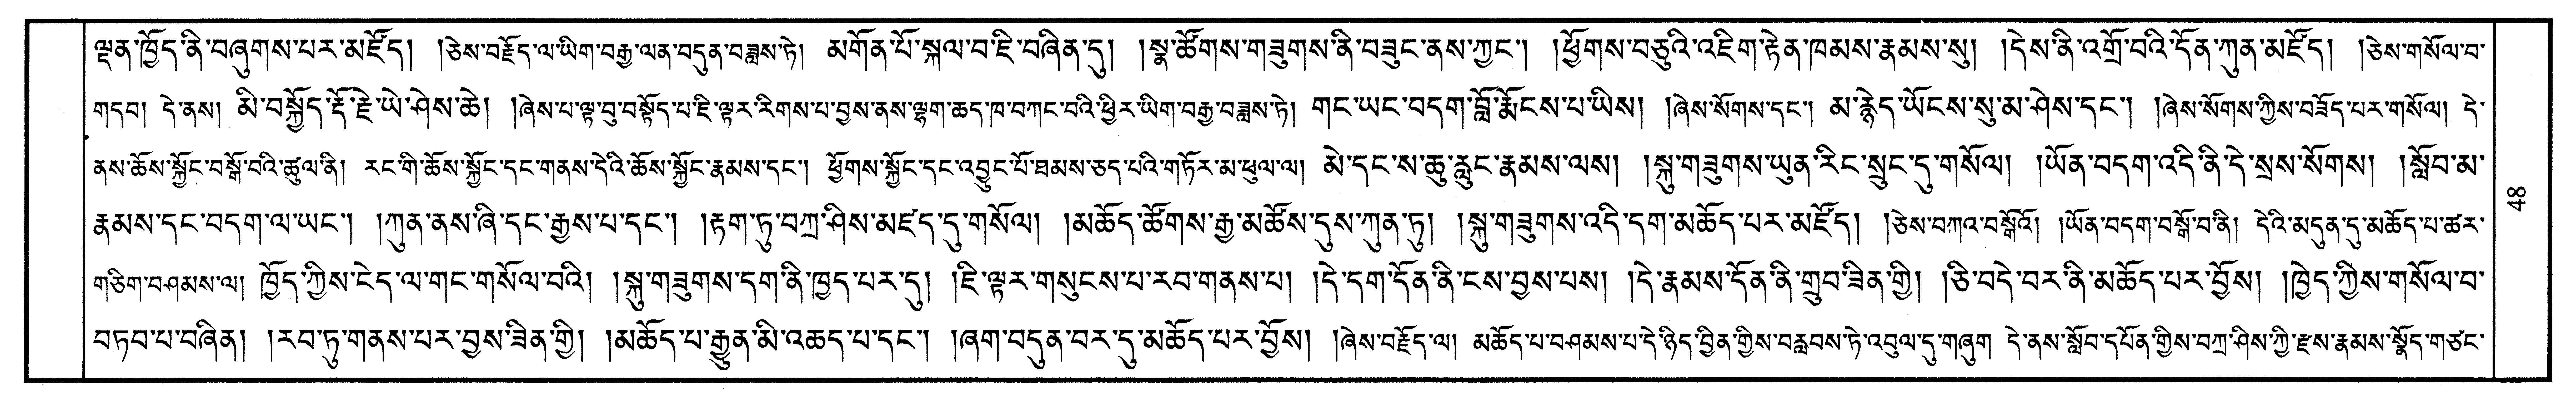ལྡན་ཁྱོད་ནི་བཞུགས་པར་མཛོད། །ཅེས་བརྗོད་ལ་ཡིག་བརྒྱ་ལན་བདུན་བཟླས་ཏེ། མགོན་པོ་སྐལ་བ་ཇི་བཞིན་དུ། །སྣ་ཚོགས་གཟུགས་ནི་བཟུང་ནས་ཀྱང་། །ཕྱོགས་བཅུའི་འཇིག་རྟེན་ཁམས་རྣམས་སུ། །དེས་ནི་འགྲོ་བའི་དོན་ཀུན་མཛོད། །ཅེས་གསོལ་བ་
གདབ། དེ་ནས། མི་བསྐྱོད་རྡོ་རྗེ་ཡེ་ཤེས་ཆེ། །ཞེས་པ་ལྟ་བུ་བསྟོད་པ་ཇི་ལྟར་རིགས་པ་བྱས་ནས་ལྷག་ཆད་ཁ་བཀང་བའི་ཕྱིར་ཡིག་བརྒྱ་བཟླས་ཏེ། གང་ཡང་བདག་བློ་རྨོངས་པ་ཡིས། །ཞེས་སོགས་དང་། མ་རྙེད་ཡོངས་སུ་མ་ཤེས་དང་། །ཞེས་སོགས་ཀྱིས་བཟོད་པར་གསོལ། དེ་
ནས་ཆོས་སྐྱོང་བསྒོ་བའི་ཚུལ་ནི། རང་གི་ཆོས་སྐྱོང་དང་གནས་དེའི་ཆོས་སྐྱོང་རྣམས་དང་། ཕྱོགས་སྐྱོང་དང་འབྱུང་པོ་ཐམས་ཅད་པའི་གཏོར་མ་ཕུལ་ལ། མེ་དང་ས་ཆུ་རླུང་རྣམས་ལས། །སྐུ་གཟུགས་ཡུན་རིང་སྲུང་དུ་གསོལ། །ཡོན་བདག་འདི་ནི་དེ་སྲས་སོགས། །སློབ་མ་
རྣམས་དང་བདག་ལ་ཡང་། །ཀུན་ནས་ཞི་དང་རྒྱས་པ་དང་། །རྟག་ཏུ་བཀྲ་ཤིས་མཛད་དུ་གསོལ། །མཆོད་ཚོགས་རྒྱ་མཚོས་དུས་ཀུན་ཏུ། །སྐུ་གཟུགས་འདི་དག་མཆོད་པར་མཛོད། །ཅེས་བཀའ་བསྒོའོ། །ཡོན་བདག་བསྒོ་བ་ནི། དེའི་མདུན་དུ་མཆོད་པ་ཚར་
གཅིག་བཤམས་ལ། ཁྱོད་ཀྱིས་ངེད་ལ་གང་གསོལ་བའི། །སྐུ་གཟུགས་དག་ནི་ཁྱད་པར་དུ། །ཇི་ལྟར་གསུངས་པ་རབ་གནས་པ། །དེ་དག་དོན་ནི་ངས་བྱས་པས། །དེ་རྣམས་དོན་ནི་གྲུབ་ཟིན་གྱི། །ཅི་བདེ་བར་ནི་མཆོད་པར་བྱོས། །ཁྱེད་ཀྱིས་གསོལ་བ་
བཏབ་པ་བཞིན། །རབ་ཏུ་གནས་པར་བྱས་ཟིན་གྱི། །མཆོད་པ་རྒྱུན་མི་འཆད་པ་དང་། །ཞག་བདུན་བར་དུ་མཆོད་པར་བྱོས། །ཞེས་བརྗོད་ལ། མཆོད་པ་བཤམས་པ་དེ་ཉིད་བྱིན་གྱིས་བརླབས་ཏེ་འབུལ་དུ་གཞུག་དེ་ནས་སློབ་དཔོན་གྱིས་བཀྲ་ཤིས་ཀྱི་རྫས་རྣམས་སྣོད་གཙང་